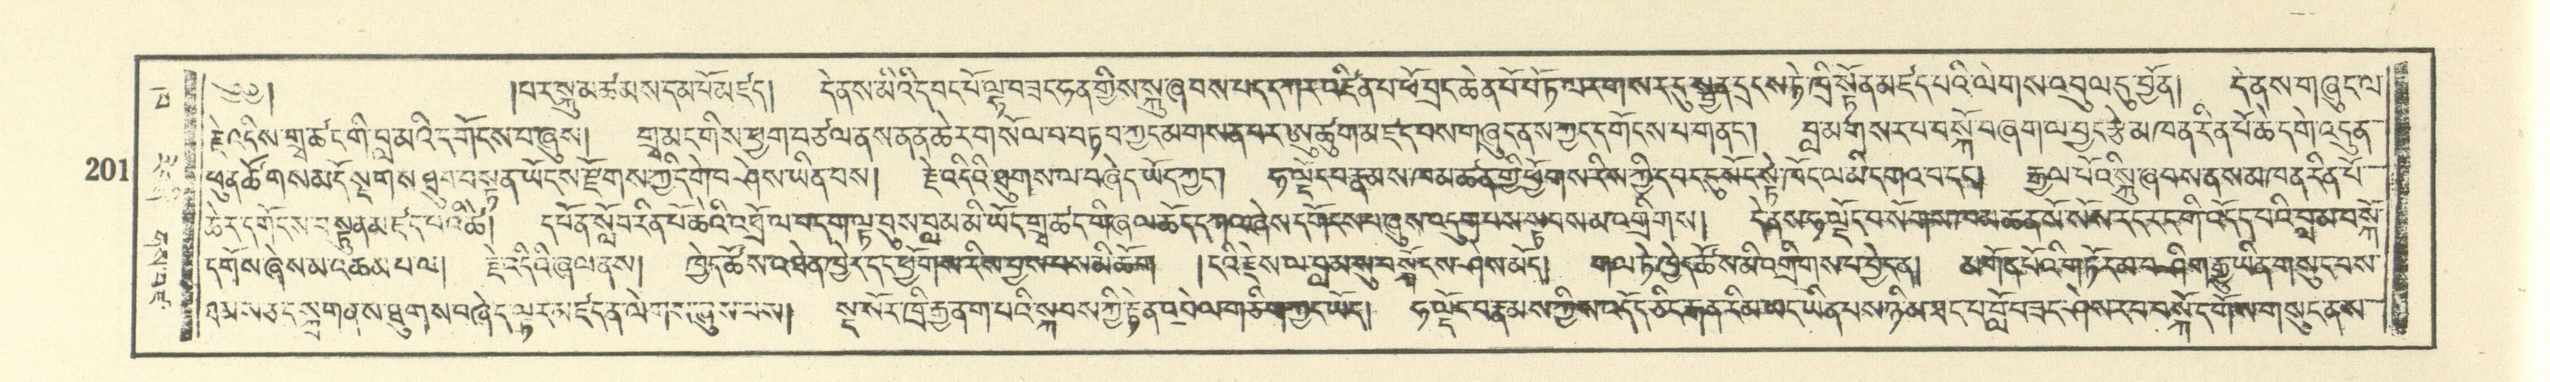༄༅། །པར་སྐུ་མཚམས་དམ་པོ་མཛད། དེ་ནས་མིའི་དབང་པོ་ལྷ་བཟང་ཧན་གྱིས་སྐུ་ཞབས་པད་དཀར་འཛིན་པ་ཕོ་བྲང་ཆེན་པོ་པོ་ཏ་ལར་གསར་དུ་སྤྱན་དྲངས་ཏེ་ཁྲི་སྟོན་མཛད་པའི་ལེགས་འབུལ་དུ་བྱོན། དེ་ནས་གཞུང་ལ་
རྗེ་འདིས་གྲྭ་ཚང་གི་བླ་མའི་དགོངས་པ་ཞུས། གྲྭ་མང་གིས་ཕྱག་བཙལ་ནས་ནན་ཆེར་གསོལ་བ་བཏབ་ཀྱང་མ་གསན་པར་ཨུ་ཚུག་མཛད་པས་གཞུང་ནས་ཀྱང་དགོངས་པ་གནང་། བླ་མ་གསར་པ་བསྐོ་བཞག་ལ་བྱང་རྩེ་མཁན་རིན་པོ་ཆེ་དགེ་འདུན་
ཕུན་ཚོགས་མདོ་སྔགས་ཐུབ་བསྟན་ཡོངས་རྫོགས་ཀྱི་དགེ་བཤེས་ཡིན་པས། རྗེ་འདིའི་ཐུགས་ལ་བཞེད་ཡོད་ཀྱང་། ཧ་ལྡོང་བ་རྣམས་ཁམ་ཚན་གྱི་ཕྱོགས་རིས་ཀྱི་དབང་དུ་སོང་སྟེ་ཁོང་ལ་མི་དགའ་བ་དང་། རྒྱལ་པོའི་སྐུ་ཞབས་ནས་མཁན་རིན་པོ་
ཆེད་དགོངས་བསྟུན་མཛད་པའི་ཚེ། དཔོན་སློབ་རིན་པོ་ཆེའི་འཕྲོ་ལ་བདག་ལྟ་བུས་བླ་མ་མི་ཡོང་གྲྭ་ཚད་གི་ཞལ་ཆོད་དཀའ་ཞེས་དགོངས་པ་ཞུས་འདུག་པས་སྟབས་མ་འགྲིགས། དེ་ནས་ཧ་ལྡོང་བ་སོགས་ཁམ་ཆན་སོ་སོས་རང་རང་གི་འདོད་པའི་བླ་མ་བསྐོ་
དགོས་ཞེས་མ་འཆམ་པ་ལ། རྗེ་འདིའི་ཞལ་ནས། ཁྱེད་ཚོས་འཐེན་ཁྱེར་དང་ཕྱོགས་རིས་བྱས་པས་མི་ཆོག །ངའི་རྗེས་ལ་བླ་མ་སུ་བསྐོ་ངས་ཤེས་མོད། གལ་ཏེ་ཁྱེད་ཚོས་མི་འགྲིགས་པ་བྱེད་ན། མགོན་པོའི་གཏོར་མ་བཤིག་རྒྱུ་ཡིན་གསུང་བས་
ཐམས་ཅད་སྐྲག་ནས་ཐུགས་བཞེད་ལྟར་མཛད་ན་ལེགས་ཞུས་པས། སྔ་སོར་ཁྲི་རྒྱ་ནག་པའི་སྐབས་ཀྱི་རྟེན་འབྲེལ་གཅིག་ཀྱང་ཡོད། ཧ་ལྡོང་བ་རྣམས་ཀྱིས་འདོད་ཅིང་རྒན་རིམ་ཡང་ཡིན་པས་ཉི་མ་ཐང་པ་བློ་བཟང་ཤེས་རབ་བསྐོ་དགོས་གསུང་ནས་